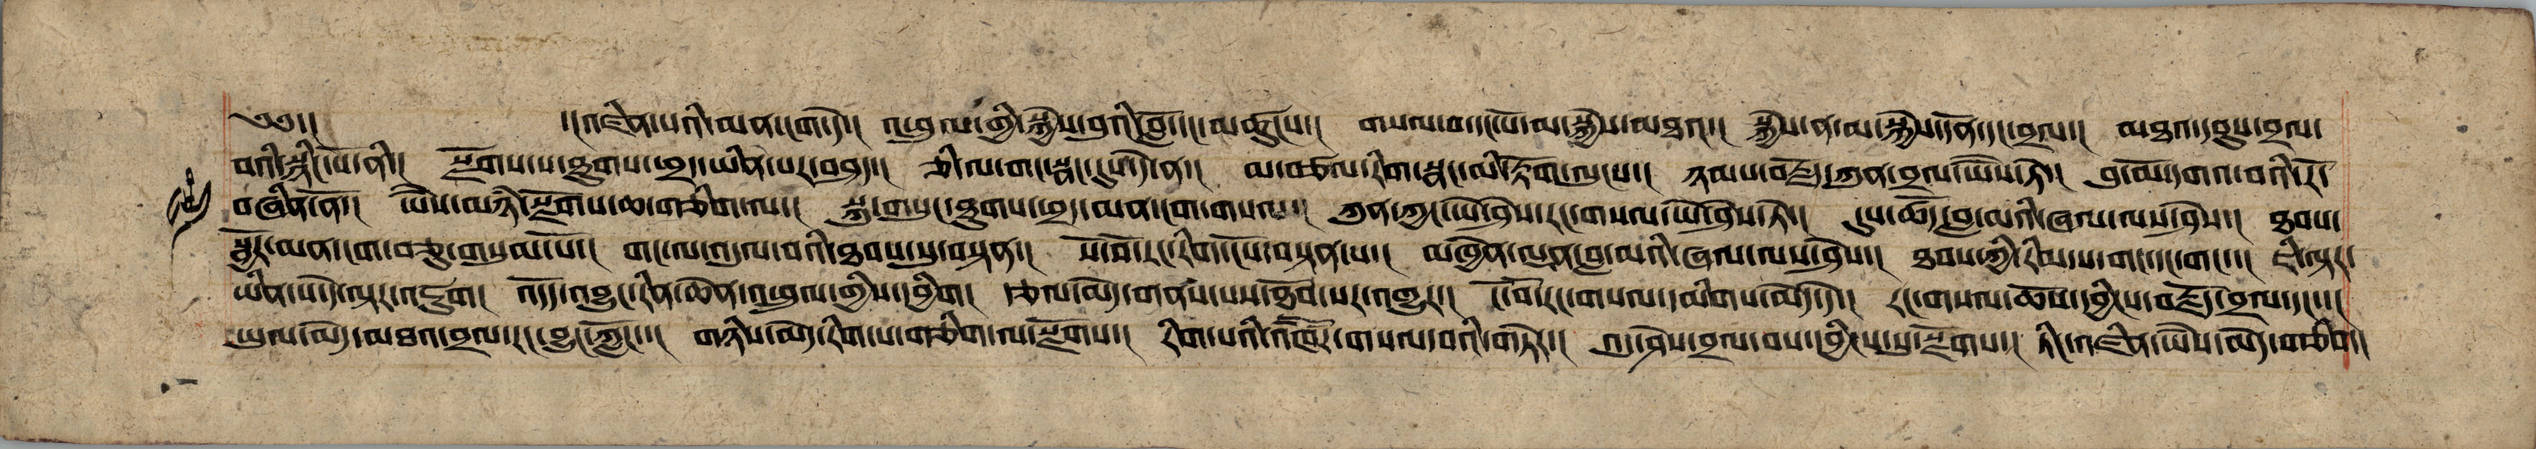༄༅་། ་།འཛིན་པའི་མན་ངག་དེ་། འཕྲུལ་གྱི་སྐྱེས་བུའི་བློ་དང་མཚུངས་། གསལ་བ་དང་པོ་མ་སྐྱེས་མཐའ་། སྐྱེ་ན་མ་སྐྱེས་དོན་དང་བྲལ་། མཐའ་དབུས་བྲལ་
བའི་སྙིང་པོ་ནི་། སྫོགས་པ་ཐུགས་ཕྲད་ཡིན་པར་བཤད་། ཅི་ལ་གང་སྣང་དུས་དེ་ན་། མ་བཙལ་རིག་སྣང་མི་རྟོག་ལུངས་། ཉམས་བརྗོད་ཀུན་བྲལ་ཡཻས་ཏེ་། བུ་མོ་དགའ་བའི་རོ་
བཞིན་ནོ་། ཡཻས་མཉཾ་སྫོགས་ཆ་གཅིག་ལ་། སྐུ་གསུང་ཐུགས་ཕྲད་མན་ངག་གསལ་། ཀུན་ཀྱང་ཡེ་ཤེས་རང་གསལ་ཡེ་ཤེས་ཏེ་། དུས་ཚོད་བླ་མའི་ཞལ་ལས་ཤེས་། ཐབས་
སྦྱོར་མན་ངག་བཅུ་གསུམ་པོ་། གང་ལ་འདུལ་བའི་ཐབས་སུ་བསྟན་། སོ་སོ་རང་རིག་ངེས་བསྟན་པ་། མཁྱེན་ལྡན་བླ་མའི་ཞལ་ལས་ཤེས་་། ཐབས་ཀྱི་རིམ་པ་གང་དང་གང་་། ཇི་ལྟར་
ཡིན་པ་དེ་ལྟར་འཇུག། འདོད་འབྱུང་རིན་ཆེན་འཕྲུལ་གྱིས་དབྱིག། རྩལ་མེད་གནས་པས་ཐོབ་པར་འགྱུར་། ངོ་བོ་རང་གསལ་དམིགས་མེད་དེ་། རང་གསལ་ཆོས་དབྱིངས་བརྗོད་བྲལ་དང་་།
ཡུལ་མེད་མཐའ་བྲལ་རང་བྱུང་ཀློང་་། གཉིས་མེད་རིག་པ་གཅིག་ལ་སྫོགས་། རིག་པའི་འཁཽར་གསལ་བའི་གཏེར་། འདུ་ཤེས་བྲལ་བས་དབྱིངས་སུ་སྫོགས་། ཏིང་འཛིན་ཡཻས་མེད་པ་ཅིག།